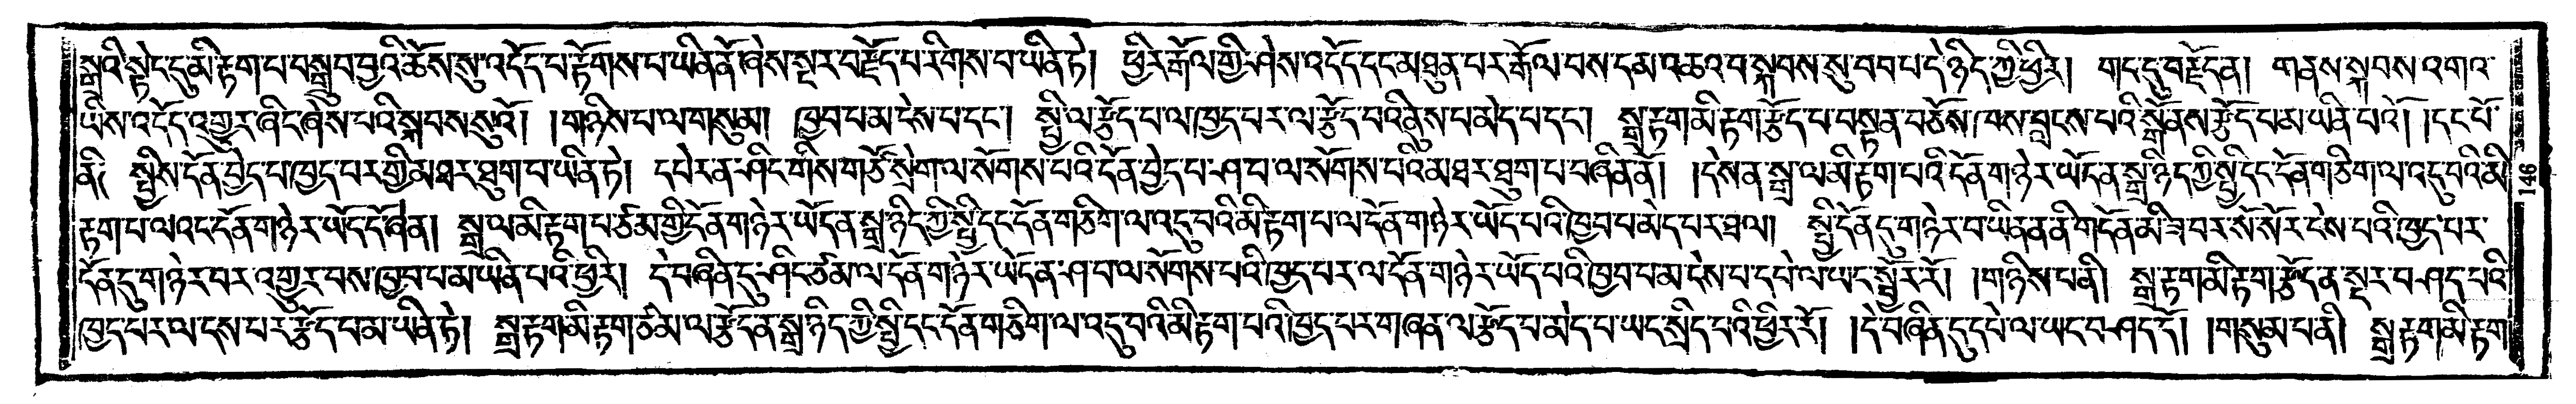སྒྲའི་སྟེང་དུ་མི་རྟག་པ་བསྒྲུབ་བྱའི་ཆོས་སུ་འདོད་པ་རྟོགས་པ་ཡིན་ནོ་ཞེས་སྔར་བརྗོད་པ་རིགས་པ་ཡིན་ཏེ། ཕྱིར་རྒོལ་གྱི་ཤེས་འདོད་དང་མཐུན་པར་རྒོལ་བས་དམ་འཆའ་བ་སྐབས་སུ་བབ་པ་དེ་ཉིད་ཀྱི་ཕྱིར། གང་དུ་བརྗོད་ན། གནས་སྐབས་འགའ་
ཡིས་འདོད་འགྱུར་ཞིང་ཞེས་པའི་སྐབས་སུའོ། །གཉིས་པ་ལ་གསུམ། ཁྱབ་པ་མ་ངེས་པ་དང་། སྤྱི་ལ་རྩོད་པ་ལ་ཁྱད་པར་ལ་རྩོད་པའི་ནུས་པ་མེད་པ་དང་། སྒྲ་རྟག་མི་རྟག་རྩོད་པ་བསྟན་བཅོས་ཁས་བླངས་པའི་སྒོ་ནས་རྩོད་པ་མ་ཡིན་པའོ། །དང་པོ་
ནི༑ སྤྱིས་དོན་བྱེད་པ་ཁྱད་པར་གྱི་མཐར་ཐུག་པ་ཡིན་ཏེ། དཔེར་ན་ཤིང་གིས་གཙོ་སྲེག་ལ་སོགས་པའི་དོན་བྱེད་པ་ཤ་པ་ལ་སོགས་པའི་མཐར་ཐུག་པ་བཞིན་ནོ། །དེས་ན་སྒྲ་ལ་མི་རྟག་པའི་དོན་གཉེར་ཡོད་ན་སྒྲ་ཉིད་ཀྱི་སྤྱི་དང་དོན་གཅིག་ལ་འདུ་བའི་མི་
རྟག་པ་ལའང་དོན་གཉེར་ཡོད་དོ་ཞེན། སྒྲ་ལ་མི་རྟག་པ་ཙམ་གྱི་དོན་གཉེར་ཡོད་ན་སྒྲ་ཉིད་ཀྱི་སྤྱི་དང་དོན་གཅིག་ལ་འདུ་བའི་མི་རྟག་པ་ལ་དོན་གཉེར་ཡོད་པའི་ཁྱབ་པ་མེད་པར་ཐལ། སྤྱི་དོན་དུ་གཉེར་བ་ཡིན་ན་ནི་གདོན་མི་ཟ་བར་སོ་སོར་ངེས་པའི་ཁྱད་པར་
དོན་དུ་གཉེར་བར་འགྱུར་པས་ཁྱབ་པ་མ་ཡིན་པའི་ཕྱིར། དེ་བཞིན་དུ་ཤིང་ཙམ་ལ་དོན་གཉེར་ཡོད་ན་ཤ་བ་ལ་སོགས་པའི་ཁྱད་པར་ལ་དོན་གཉེར་ཡོད་པའི་ཁྱབ་པ་མ་ངེས་པ་དཔེ་ལ་ཡང་སྦྱོར་རོ། །གཉིས་པ་ནི། སྒྲ་རྟག་མི་རྟག་རྩོད་ན་སྔར་བཤད་པའི་
ཁྱད་པར་ལ་ངས་པར་རྩོད་པ་མ་ཡིན་ཏེ། སྒྲ་རྟག་མི་རྟག་ཙམ་ལ་རྩོད་ན་སྒྲ་ཉིད་ཀྱི་སྤྱི་དང་དོན་གཅིག་ལ་འདུ་བའི་མི་རྟག་པའི་ཁྱད་པར་གཞན་ལ་རྩོད་པ་མེད་པ་ཡང་སྲིད་པའི་ཕྱིར་རོ། །དེ་བཞིན་དུ་དཔེ་ལ་ཡང་བཤད་དོ། །གསུམ་པ་ནི། སྒྲ་རྟག་མི་རྟག་